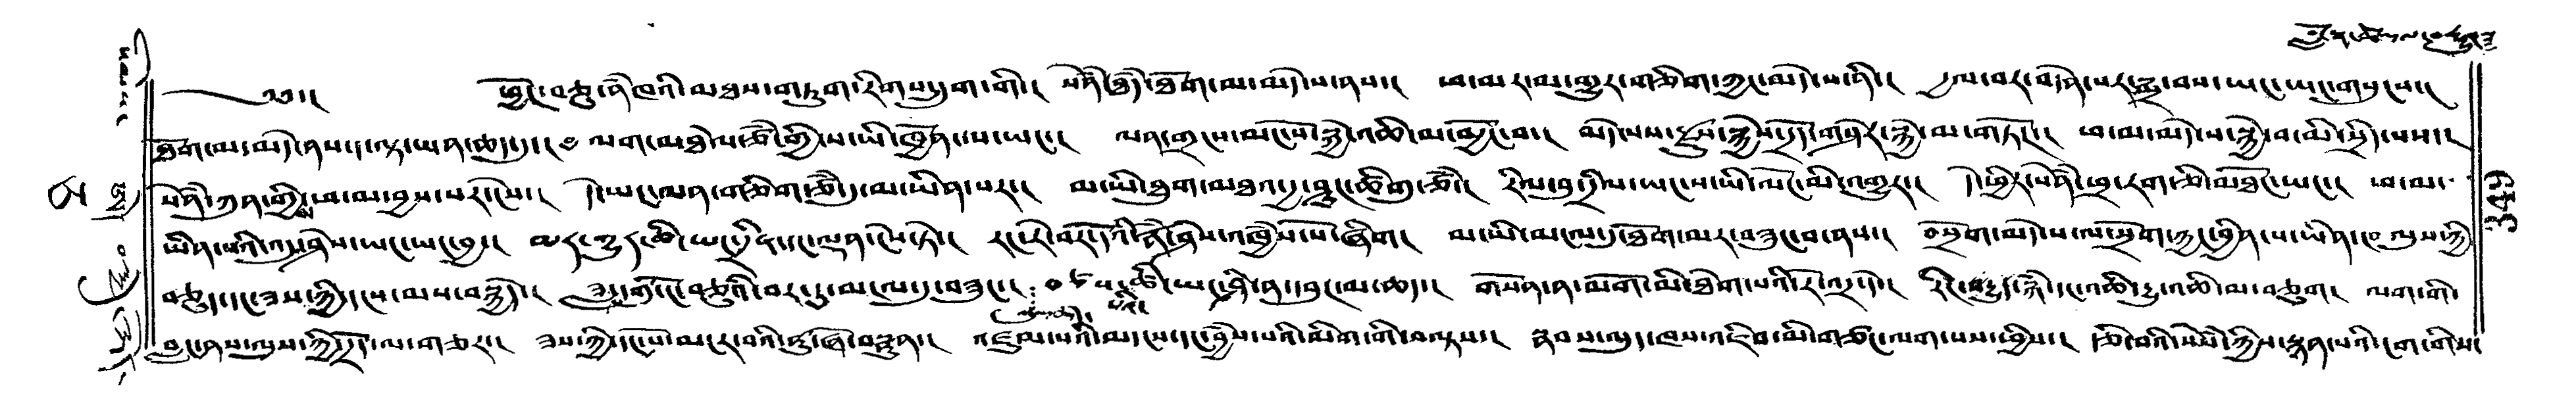༄༅། ཕྱོགས་བཅུ་ནམ་མཁའི་མཐས་གཏུགས་རིགས་དྲུག་གི །སེམས་ཅན་ཐམས་ཅད་ཐོག་མ་མེད་པ་ནས་། །ཕ་མར་མ་གྱུར་གཅིག་ཀྱང་མེད་པ་ནི། །རྒྱལ་བ་བདེན་པར་སྨྲ་བས་ཡང་ཡང་གསུངས།
བློ་སྣ་ཆོས་ལ་སྒྱུརལ། མཆན། ཐོག་མ་མེད་ནས་ད་ལྟ་ཡན་ཆད་དུ། །ལག་མཐིལ་ཙམ་གྱི་ས་ཡི་ཁྱོན་ལ་ཡང་། ལན་གྲངས་མང་པོ་སྐྱེ་འཆི་མ་མྱོང་བ། མེད་པས་རྫུས་སྐྱེས་དྲོད་གཤེར་སྐྱེ་མ་གཏོགས། །ཕ་མ་མེད་པར་སྐྱེ་བ་མི་སྲིད་པས། །
སེམས་ཅན་ཀུན་གྱིས་ཕ་མ་བྱས་པར་ངེས། དེ་ཡང་ལན་གཅིག་ཙམ་དུ་མ་ཡིན་པར། །མ་ཡི་ཐུག་མཐའ་རྒྱ་ཤུག་ཚིག་གུ་ཙམ། །རིལ་བུར་དྲིལ་ཡང་ས་ཡིས་ལོངས་མི་འགྱུར། །དེ་ཕྱིར་སེམས་ཅན་ཕྲ་རགས་ཅི་མཐོང་ཡང་། །ཕ་མ་
ཡིན་པའི་འདུ་ཤེས་ཡང་ཡང་བྱ། །མར་གྱུར་ཚི་ཡང་དྲིན་དང་ལྡན་ངེས་ཏེ། །རང་རེ་བར་དོའི་རྣམ་ཤེས་འཁྱམས་པོ་ཞིག །མ་ཡི་མངལ་དུ་ཐོག་མར་བཟུང་བ་ནས། །སྲོག་མེད་པ་ལ་སྲོག་ཀྱང་བྱིན་པ་ཡིན། །ལུས་ཀྱི་
བཅུད་དང་ཟས་ཀྱི་དངས་མས་བསྐྱེད། །ཟླ་དགུ་ངོ་བཅུའི་བར་དུ་མངལ་དུ་བཟུང་། དུས་ཚོད། མཆན། །བཙས་པའི་ཚེ་ཡང་ཤི་ན་དབུགས་མ་ཆད། །གསོན་ན་མགོ་མི་ཐེག་པའི་རོ་འདྲ་དེ། །རིགས་རྒྱུད་སྐམ་དང་འཆི་རྒྱུ་འཆི་མ་བཅུག །ལག་གིས་
བླངས་ནས་ལུས་ཀྱི་དྲོད་ལ་སྦྱར། །ཟས་ཀྱི་དང་པོ་མངར་བའི་ནུ་ཞོ་བསྣུན། །འཛུམ་པའི་མདངས་དང་བྱམས་པའི་མིག་གིས་བལྟས། །སྣབས་ལུད་ཁས་འཇིབ་མི་གཙང་ལག་པས་ཕྱིས། །རྩེ་བའི་སེམས་དང་སྙན་པའི་ངག་གིས་